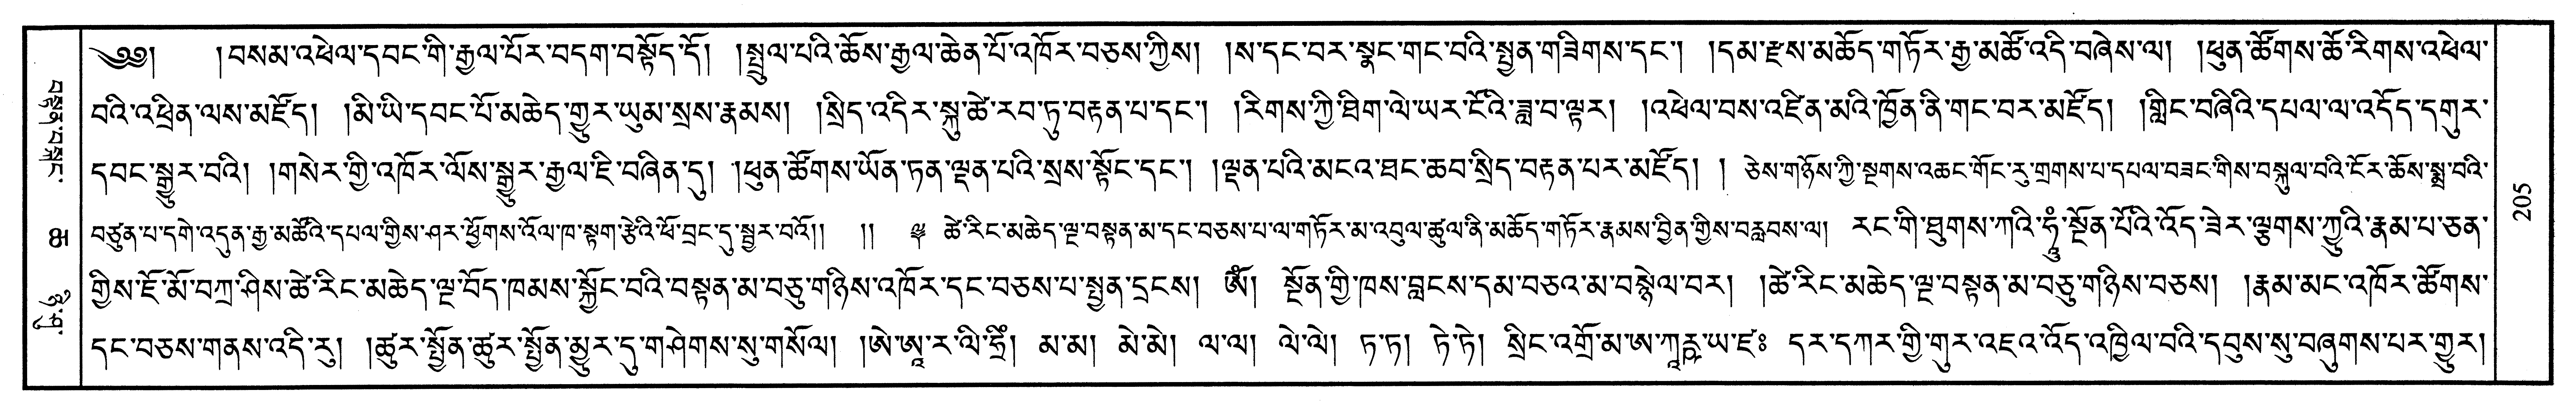༄༅། །བསམ་འཕེལ་དབང་གི་རྒྱལ་པོར་བདག་བསྟོད་དོ། །སྤྲུལ་པའི་ཆོས་རྒྱལ་ཆེན་པོ་འཁོར་བཅས་ཀྱིས། །ས་དང་བར་སྣང་གང་བའི་སྤྱན་གཟིགས་དང་། །དམ་རྫས་མཆོད་གཏོར་རྒྱ་མཚོ་ལེ་ཡར་ངོའི་ཟླ་བ་ལྟར། །འཕེལ་བས་འཛིན་མའི་ཁྱོན་ནི་གང་
བའི་འཕྲིན་ལས་མཛོད། །མི་ཡི་དབང་པོ་མཆེད་གྱུར་ཡུམ་སྲས་རྣམས། །སྲིད་འདིར་སྐུ་ཚེ་རབ་ཏུ་བརྟན་པ་དང་། །རིགས་ཀྱི་ཐིག་ལེ་ཡར་ངོའི་ཟླ་བ་ལྟར། །འཕེལ་བས་འཛིན་མའི་ཁྱོན་ནི་གང་བར་མཛོད། །གླིང་བཞིའི་དཔལ་ལ་འདོད་དགུར་
དབང་སྒྱུར་བའི། །གསེར་གྱི་འཁོར་ལོས་སྒྱུར་རྒྱལ་ཇི་བཞིན་དུ། །ཕུན་ཚོགས་ཡོན་ཏན་ལྡན་པའི་སྲས་སྟོང་དང་། །ལྡན་པའི་མངའ་ཐང་ཆབ་སྲིད་བརྟན་པར་མཛོད། །ཅེས་གཉོས་ཀྱི་སྔགས་འཆང་གོང་རུ་གྲགས་པ་དཔལ་བཟང་གིས་བསྐུལ་བའི་ངོར་ཆོས་སྨྲ་བའི་
བཙུན་པ་དགེ་འདུན་རྒྱ་མཚོའི་དཔལ་གྱིས་ཤར་ཕྱོགས་འོལ་ཁ་སྟག་རྩེའི་ཕོ་བྲང་དུ་སྦྱར་བའོ།། །། ༈ ཚེ་རིང་མཆེད་ལྔ་བསྟན་མ་དང་བཅས་པ་ལ་གཏོར་མ་འབུལ་ཚུལ་ནི་མཆོད་གཏོར་རྣམས་བྱིན་གྱིས་བརླབས་ལ། རང་གི་ཐུགས་ཀའི་ཧཱུཾ་སྔོན་པོའི་འོད་ཟེར་ལྕགས་ཀྱུའི་རྣམ་པ་ཅན་
གྱིས་ཇོ་མོ་བཀྲ་ཤིས་ཚེ་རིང་མཆེད་ལྔ་བོད་ཁམས་སྐྱོང་བའི་བསྟན་མ་བཅུ་གཉིས་འཁོར་དང་བཅས་པ་སྤྱན་དྲངས། ཨོཾ། སྔོན་གྱི་ཁས་བླངས་དམ་བཅའ་མ་བསྙེལ་བར། །ཚེ་རིང་མཆེད་ལྔ་བསྟན་མ་བཅུ་གཉིས་བཅས། །རྣམ་མང་འཁོར་ཚོགས་
དང་བཅས་གནས་འདི་རུ། །ཚུར་སྤྱོན་ཚུར་སྤྱོན་མྱུར་དུ་གཤེགས་སུ་གསོལ། །ཨེ་ཨཱ་ར་ལི་ཧྲཱིཾ། མ་མ། མེ་མེ། ལ་ལ། ལེ་ལེ། ཏ་ཏ། ཏེ་ཏེ། སྲིང་འགྲོ་མ་ཨ་ཀཱརྵ་ཡ་ཛཿ དར་དཀར་གྱི་གུར་འཇའ་འོད་འཁྱིལ་བའི་དབུས་སུ་བཞུགས་པར་གྱུར།